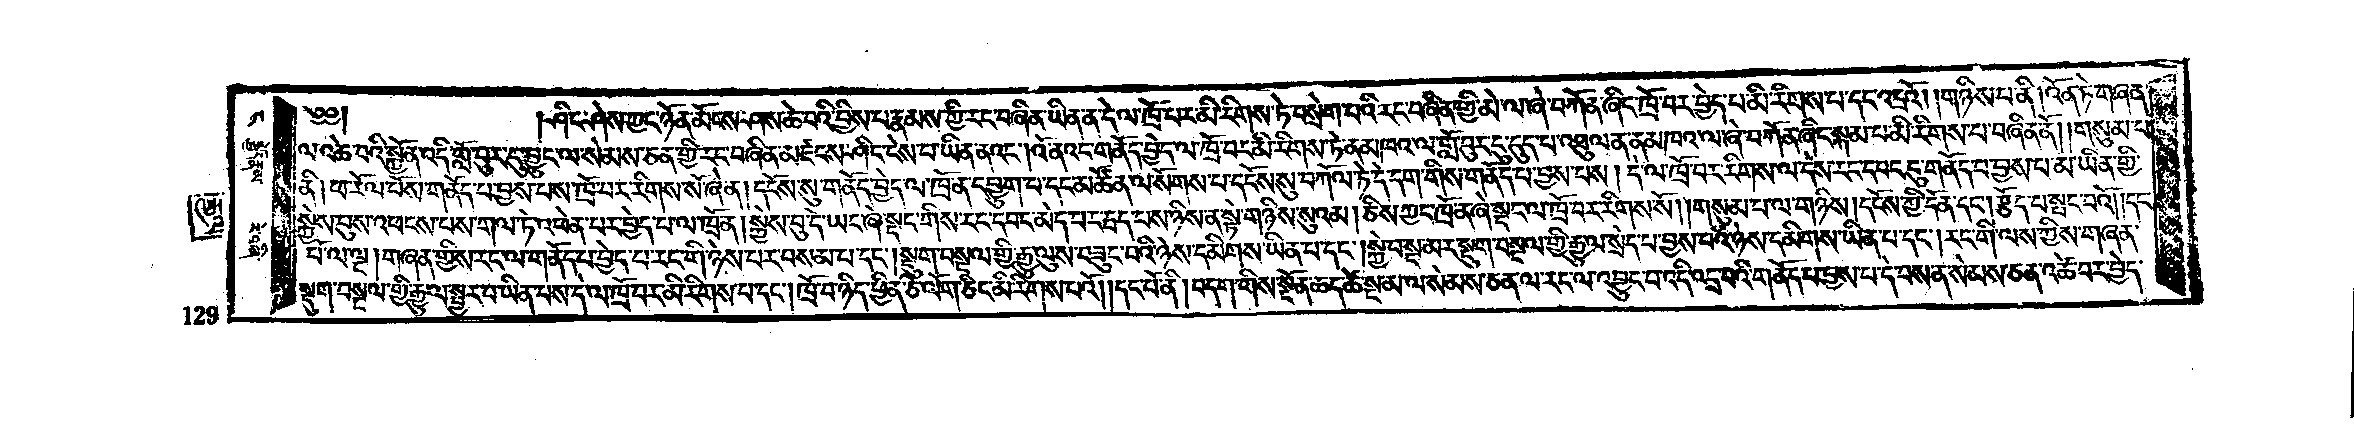༄༅། །ཤིང་ཤེས་ཀྱང་ཉོན་མོངས་ཤེས་ཆན་བའི་བྱིས་པ་རྣམས་ཀྱི་རང་བཞིན་ཡིན་ན་དེ་ལ་ཁྲོ་བར་མི་རིགས་ཏེ་བསྲེག་པའི་རང་བཞིན་གྱི་མེ་ལ་ཞེ་བཀོན་ཞིང་ཁྲོ་བར་བྱེད་པ་མི་རིགས་པ་དང་འདྲའོ། །གཉིས་པ་ནི། འོན་ཏེ་གཞན་
ལ་འཚེ་བའི་སྐྱོན་འདི་གློ་བུར་དུ་བྱུང་ལ་སེམས་ཅན་གྱི་རང་བཞིན་མཛངས་ཤིང་ངེས་པ་ཡིན་ནའང་། འོ་ནའང་གནོད་བྱེད་ལ་ཁྲོ་བར་མི་རིགས་ཏེ་མན་མཁའ་ལ་གློ་བུར་དུ་དུད་པ་འཐུལ་ན་ནམ་མཁའ་ལ་ཞེ་བཀོན་ཞིང་སྐམ་པ་མི་རིགས་པ་བཞིན་ནོ། །གསུམ་པ་
ནི༑ ཕ་རོལ་པོས་གནོད་པ་བྱས་པས་ཁྲོ་བར་རིག་སོ་ཞེ་ན། དངོས་སུ་གནོད་བྱེད་ལ་ཁྲོ་ན་དབྱུག་པ་དང་མཚོན་ལ་སོགས་པ་དངོས་སུ་བཀོལ་ཏེ་དེ་དག་གིས་གནོད་པ་བྱས་པས། དེ་ལ་ཁྲོ་བར་རིགས་ལ་དེས་རང་དབང་དུ་གནོད་པ་བྱས་པ་མ་ཡིན་གྱི་
སྐྱེས་བུས་འཕངས་པས་གལ་ཏེ་འཕེན་པར་བྱེད་པ་ལ་ཁྲོ་ན། སྐྱེས་བུ་དེ་ཡང་ཞེ་སྡང་གིས་རང་དབང་མེད་པར་རྦད་པས་ཉིས་ན་སྟེ་གཉིས་སུའམ། ཅིས་ཀྱང་ཁྲོ་ན་ཞེ་སྡང་ལ་ཁྲོ་བར་རིགས་སོ། །གསུམ་པ་ལ་གཉིས། དངོས་ཀྱི་དོན་དང་། རྩོད་པ་སྤང་བའོ། །དང་
པོ་ལ་ལྔ། གཞན་གྱིས་རང་ལ་གནོད་པ་བྱེད་པ་རྣག་གི་ཉེ་སྤར་བསམ་པ་དང་། སྡུག་བསྔལ་གྱི་རྒྱུ་ལུས་བཟུང་བའི་ཉེས་དམིགས་ཡིན་པ་དང་། སྐྱེ་བ་སྔ་མར་སྡུག་བསྔལ་གྱི་རྒྱུ་ལ་སྲེད་པ་བྱས་པའི་ཉེས་དམིགས་ཡིན་པ་དང་། རང་གི་ལས་ཀྱིས་གཞན་
སྡུག་བསྔལ་གྱི་རྒྱུ་ལ་སྦྱར་བ་ཡིན་པས་དེ་ལ་ཁྲོ་བར་མི་རིགས་པ་དང་། ཁྲོ་བ་ཉིད་ཕྱིན་ཅི་ལོག་ཅིང་མི་རིགས་པའོ། །དང་པོ་ནི། བདག་གིས་སྔོན་ཆད་ཚེ་སྔ་མ་ལ་སེམས་ཅན་ལ་རང་ལ་འབྱུང་བ་འདི་འདྲ་བའི་གནོད་པ་བྱས་པ་དེ་བས་ན་སེམས་ཅན་འཚེ་བར་བྱེད་